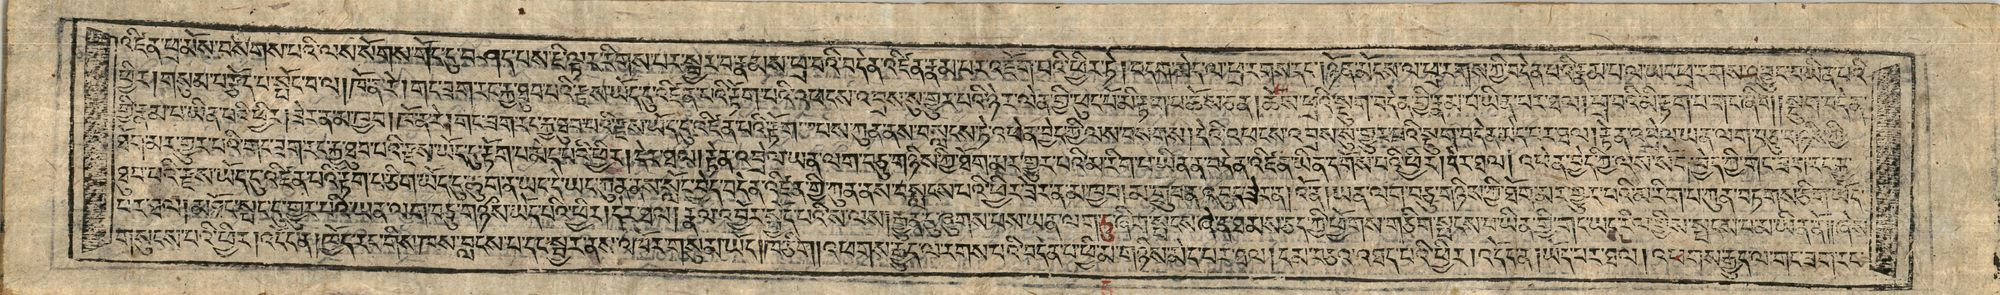འཛིན་ཕྲ་མོས་བསགས་པའི་ལས་སོགས་གོང་དུ་བཤད་པས་ཇི་ལྟར་རིགས་པར་སྦྱར་བ་རྣམས་ཕྲ་བའི་བདེན་འཛིན་རྣམ་པར་འཇོག་པའི་ཕྱིར་ཏེ། བདག་མེད་ལ་ཕྲ་རགས་དང་། ཉོན་མོངས་ལ་ཕྲ་རགས་ཀྱི་བདེན་པའི་རྣམ་པ་ལ་ཡང་ཕྲ་རགས་འབྱུང་བ་ཡིན་པའི་
ཕྱིར། གསུམ་པ་རྩོད་པ་སྤོང་བ་ལ། ཁོ་ན་རེ། གང་ཟག་རང་རྐྱ་ཐུབ་པའི་རྫས་ཡོད་དུ་འཛིན་པའི་རྟོག་པའི་འཕངས་འབྲས་སུ་གྱུར་པའི་ཉེར་ལེན་གྱི་ཕུང་པོ་མི་རྟག་པ་ཆོས་ཅན། ཆེས་ཕྲའིསྡུག་བདེན་གྱི་རྣམ་པ་ཡིན་པར་ཐལ། ཕྲ་བའི་མི་རྟག་པ་གང་ཞིག ། སྡུག་བདེན་
གྱི་རྣམ་པ་ཡིན་པའི་ཕྱིར། ཟེར་ན་མ་ཁྱབ། ཁོ་ན་རེ། གང་ཟག་རང་རྐྱ་ཐུབ་པའི་རྫས་ཡོད་དུ་འཛིན་པའི་རྟོག་པས་ཀུན་ནས་བསླངས་ཏེ་འཕེན་བྱེད་ཀྱི་ལས་བསགས། དེའི་འཕངས་འབྲས་སུ་གྱུར་པའི་སྡུག་བདེན་མེད་པར་ཐལ། རྟེན་འབྲེལ་ཡན་ལག་བཅུ་གཉིས་ཀྱི་
ཐོག་མར་གྱུར་པའི་གང་ཟག་རང་རྐྱ་ཐུབ་པའི་རྫས་ཡོད་དུ་རྟོག་པ་མེད་པའི་ཕྱིར། དེར་ཐལ། རྟེན་འབྲེལ་ཡན་ལག་བཅུ་གཉིས་ཀྱི་ཐོག་མར་གྱུར་པའི་མ་རིག་པ་ཡིན་ན་བདེན་འཛིན་ཡིན་དགོས་པའི་ཕྱིར། དེར་ཐལ། འཕེན་བྱེད་ཀྱི་ལས་སོག་བྱེད་ཀྱི་གང་ཟག་རང་རྐྱ་
ཐུབ་པའི་རྫས་ཡོད་དུ་འཛིན་པའི་རྟོག་པ་ཅིག་ཡོད་དུ་ཆུག་ན་ཡང་དེ་ཡང་ཀུན་ནས་སློང་བྱེད་བདེན་འཛིན་གྱི་ཀུན་ནས་བསླངས་པའི་ཕྱིར་ཟེར་ན་མ་ཁྱབ། མ་གྲུབ་ན་འབུད་ཟེར་ན། འོ་ན། ཡན་ལག་བཅུ་གཉིས་ཀྱི་ཐོག་མར་གྱུར་པའི་མ་རིག་པ་ཀུན་བཏགས་ཅིག་ཡོད་
པར་ཐལ། མཐོང་སྤང་དུ་གྱུར་པའི་ཡན་ལག་བཅུ་གཉིས་ཡོད་པའི་ཕྱིར། དེར་ཐལ། རྣལ་འབྱོར་སྤྱོད་པའི་ས་ལས། རྒྱུན་དུ་ཞུགས་པས་ཡན་ལག་དུ་ཞིག་སྤངས་ཞེ་ན་ཐམས་ཅད་ཀྱི་ཕྱོགས་གཅིག་སྤངས་པ་ཡིན་གྱི་གང་ཡང་རིལ་གྱིས་སྤངས་པ་མ་ཡིན་ནོ། །ཞེས་
གསུངས་པའི་ཕྱིར། འདོད་ན། ཁྱོད་རང་གིས་ཁས་བླངས་པ་དང་སྦྱར་ནས་འཁོར་གསུམ་ཡོད། ཁ་ཅིག ། འཕགས་རྒྱུད་ལ་རགས་པའི་བདེན་པ་ཕྱི་མ་གཉིས་མེད་པར་ཐལ། དམ་བཅའ་འཐད་པའི་ཕྱིར། འདོད་ན། ཡོད་པར་ཐལ། འཕགས་རྒྱུད་ལ་གང་ཟག་རང་